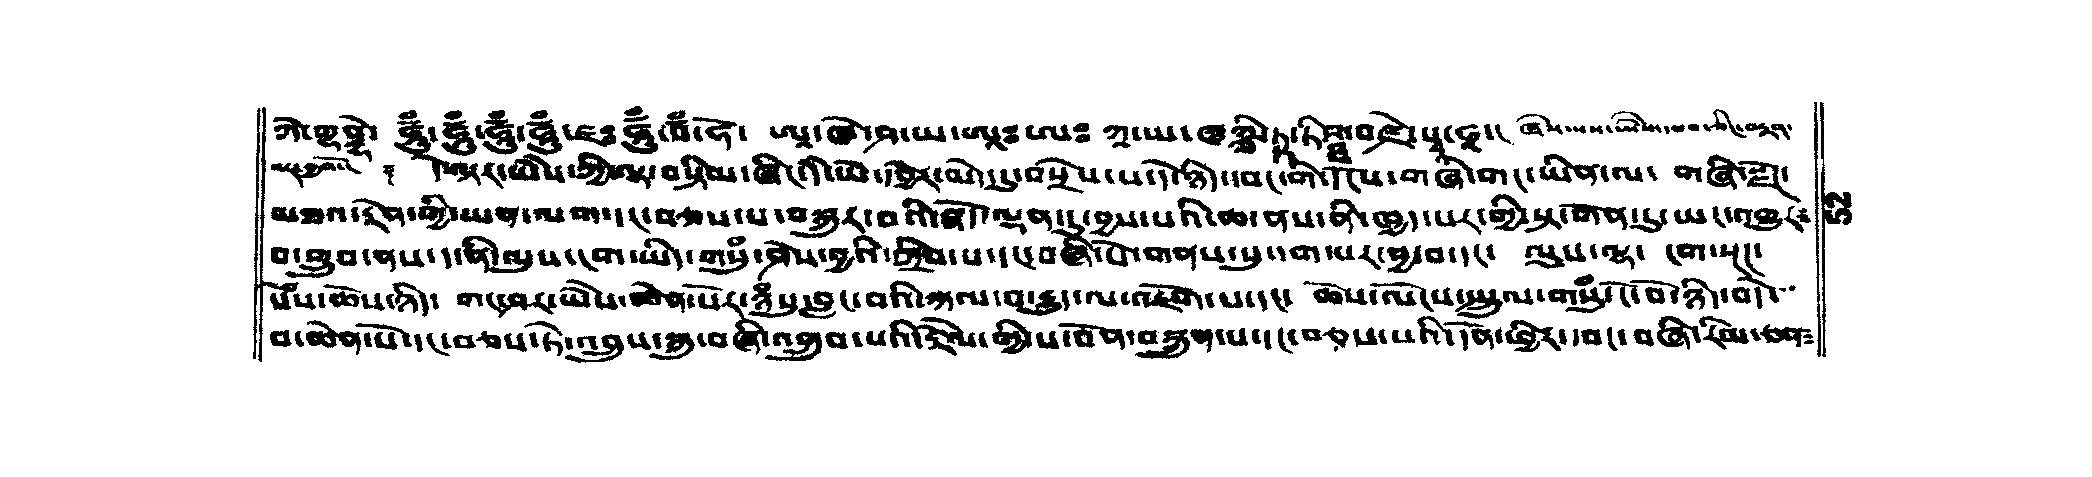ཀེ་གྷ་བྡྷེ། ཧཱུྃ་ཧཱུྃ་ཧཱུྃ་ཧཱུྃ་ཛཿཧཱུྃ་སྃ་ཧོ། ཨཱ་ཝེ་ཤ་ཡ་ཨཱཿཨཿ ཀཱ་ཡ་ཝཉྩི་ཏྟ་ཏིཥྛ་བཛྲེ་སྭཱ་ཧཱ། ཞེས་པས་ཡེ་ཤེས་དབབ་ཅིང་བརྟན་
པར་བྱའོ། ༈ དེ་ལྟར་ཡེ་ཤེས་ཀྱི་ལྷ་བསྟིམ་ཞིང་དམ་ཡེ་དབྱེར་མེད་དུ་བསྲེས་པ་དེ་ཉིད་དབང་གི་དངོས་གཞི་གང་ཡིན་ལ། གཞི་རྫོགས་
མཐའ་རྟེན་གྱིན་ཡན་ལག་དང་བཅས་པ་བསྐུར་བའི་སྣོད་ལྡན་དུ་བྱས་པའི་ཆ་ནས་ནི་ཁྱད་པར་གྱི་སྟ་གོན་དུ་ཡང་འགྱུར་
བ་གྲུབ་ནས་ད་ནི་ལུས་ངག་ཡིད་གསུམ་ཤེས་བྱའི་གྲིབ་པ་དང་བཞི་པོ་གནས་སུ་དག་པར་བྱ་བ་དང་། ལུས་ལྷ། ངག་སྔགས། 
སེམས་ཆོས་ཉིད། གང་ཤར་ཡེ་ཤེས་ཆེན་པོར་ཉམས་སུ་བླང་བའི་སྐལ་བ་རྒྱུད་ལ་འཇོག་པ་དང་། ཆོས་ལོངས་སྤྲུལ་གསུམ་ངོ་བོ་ཉིད་བདེ་
བ་ཆེན་པོ་དང་བཅས་ཏེ་འབྲས་བུ་སྐུ་བཞི་འགྲུབ་པའི་རྟེན་འབྲེལ་གྱི་ས་བོན་བསྐུན་པ་དང་བཅས་པའི་དོན་ཕྱིར་དབང་བཞི་རིམ་ཅན་